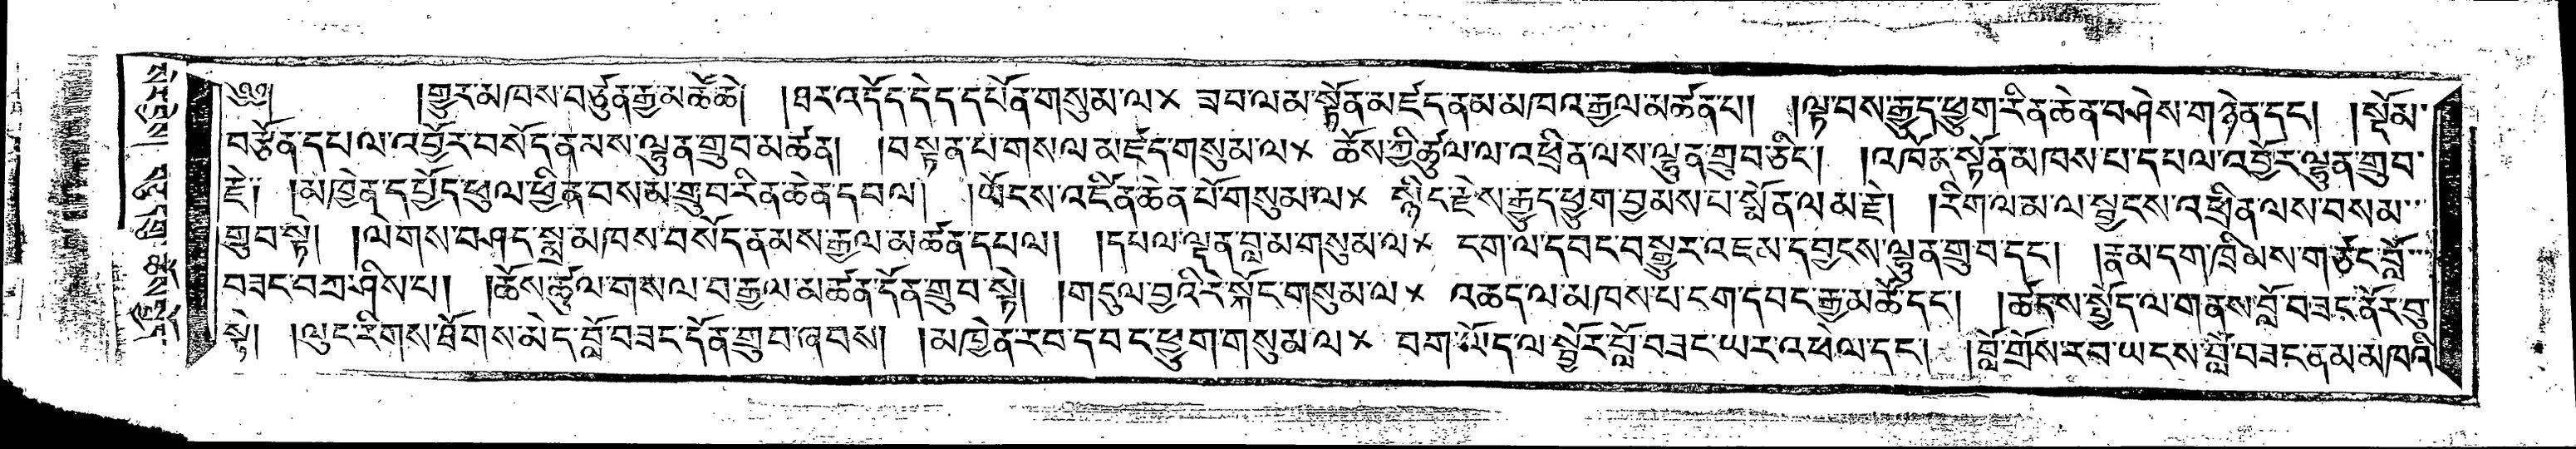༄༅། །གྱུར་མཁས་བཙུན་རྒྱ་མཚོ་ཆེ། །ཐར་འདོད་དེད་དཔོན་གསུམ་ལ་{྾}་ཟབ་ལམ་སྟོན་མཛད་ནམ་མཁའ་རྒྱལ་མཚན་པ། །ལྟ་བས་རྒྱུད་ཕྱུག་རིན་ཆེན་བཤེས་གཉེན་དང་། །སྡོམ་
བརྩོན་དཔལ་འབྱོར་བསོད་ནམས་ལྷུན་གྲུབ་མཚན། །བསྟན་པ་གསལ་མཛད་གསུམ་ལ་{྾}་ཆོས་ཀྱི་ཚུལ་ལ་འཕྲིན་ལས་ལྷུན་གྲུབ་ཅིང་། །འཁོན་སྟོན་མཁས་པ་དཔལ་འབྱོར་ལྷུན་གྲུབ་
རྗེ༑ །མཁྱེན་དཔྱོད་ཕུལ་ཕྱིན་བསམ་གྲུབ་རིན་ཆེན་དཔལ། །ཡོངས་འཛིན་ཆེན་པོ་གསུམ་ལ་{྾}་སྙིང་རྗེས་རྒྱུད་ཕྱུག་བྱམས་པ་སྨོན་ལམ་རྗེ། །རིག་ལམ་ལ་སྦྱངས་འཕྲིན་ལས་བསམ་
གྲུབ་སྟེ། །ལེགས་བཤད་སྨྲ་མཁས་བསོད་ནམས་རྒྱལ་མཚན་དཔལ། །དཔལ་ལྡན་བླ་མ་གསུམ་ལ་{྾}་ངག་ལ་དབང་བསྒྱུར་འཇམ་དབྱངས་ལྷུན་གྲུབ་དང་། །རྣམ་དག་ཁྲིམས་གཙང་བློ་
བཟང་བཀྲ་ཤིས་པ། །ཆོས་ཚུལ་གསལ་བ་རྒྱལ་མཚན་དོན་གྲུབ་སྟེ། །གདུལ་བྱའི་རེ་སྐོང་གསུམ་ལ་{྾}་འཆད་ལ་མཁས་པ་ངག་དབང་རྒྱ་མཚོ་དང་། །ཚངས་སྤྱོད་ལ་གནས་བློ་བཟང་ནོར་བུ་
སྟེ། །ལུང་རིགས་ཐོགས་མེད་བློ་བཟང་དོན་གྲུབ་ཞབས། །མཁྱེན་རབ་དབང་ཕྱུག་གསུམ་ལ་{྾}་བག་ཡོད་ལ་སྦྱོར་བློ་བཟང་ཡར་འཕེལ་དང་། །བློ་གྲོས་རབ་ཡངས་བློ་བཟང་ནམ་མཁའི་